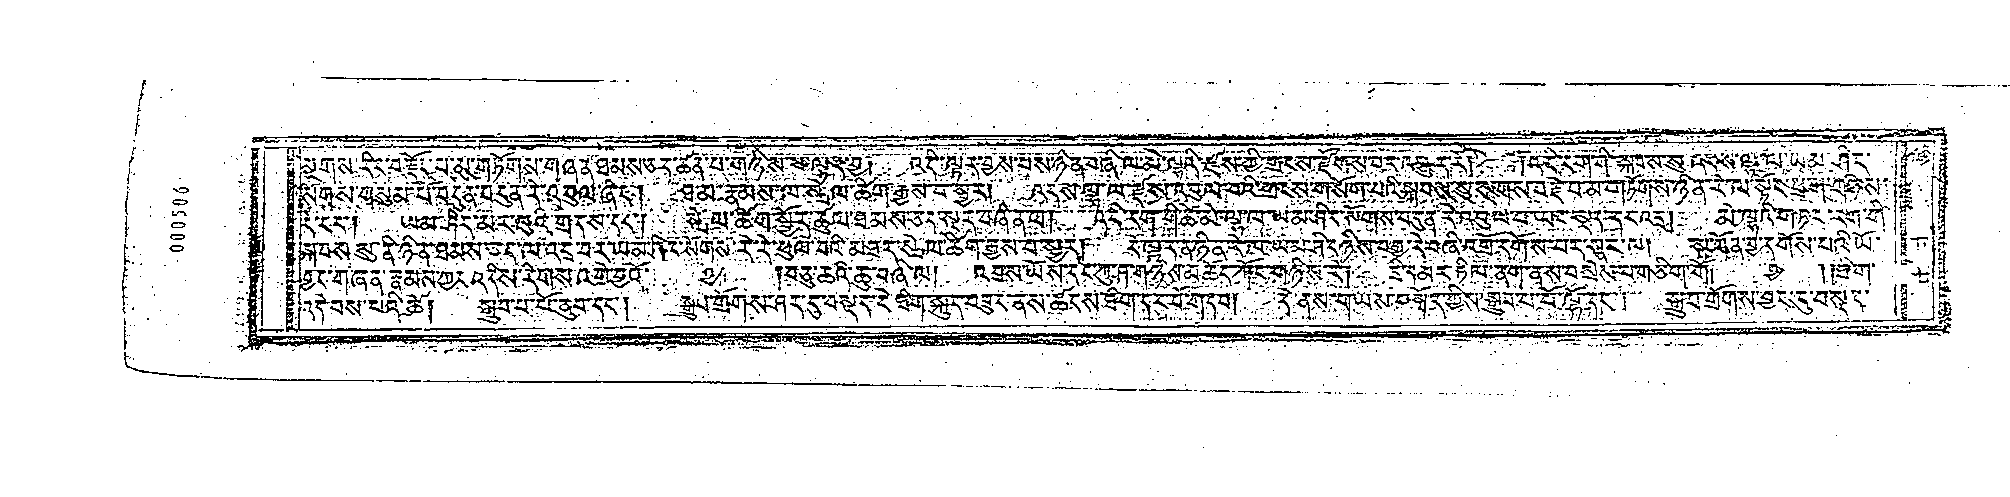སྔགས་རིང་བརྗོད་པ་མ་གཏོགས་གཞན་ཐམས་ཅད་ཚན་པ་གཉིས་པ་ལྟར་བྱ། འདི་ལྟར་བྱས་པས་ཉིན་བཞི་ལ་མེ་ལྷའི་རྫས་ཀྱི་གྲངས་རྫོགས་པར་འགྱུར་རོ། །འདི་དག་གི་སྐབས་སུ་འདས་ལྷ་ལ་ཡམ་ཤིང་
སོགས་གསུམ་པོ་བདུན་བདུན་རེ་འབུལ་ཞིང་། ཐ་མ་རྣམས་ལ་སྤེལ་ཚིག་རྒྱས་པ་སྦྱར། འདས་ལྷ་ལ་རྫས་འབུལ་བའི་གྲངས་གསོག་པའི་སྐབས་སུ་སྔགས་བརྗེ་བ་མ་གཏོགས་ཉིན་རེ་ལ་སྟོང་ཕྲག་གཉིས་
དེ་དང་། ཡམ་ཤིང་མར་ཁུའི་གྲངས་དང་། སྤེལ་ཚིག་སྦྱོར་ཚུལ་ཐམས་ཅད་སྔར་བཞིན་ལ། འདི་དག་གི་ཚེ་མེ་ལྷ་ལ་ཡམ་ཤིང་སོགས་བདུན་རེ་འབུལ་བ་ཡང་སྔར་དང་འདྲ། མེ་ལྷའི་གཏང་རག་གི་
སྐབས་སུ་ནི་ཉིན་ཐམས་ཅད་ལ་འདྲ་བར་ཡམ་ཤིང་སོགས་རེ་རེ་ཕུལ་བའི་མཐར་སྤེལ་ཚིག་རྒྱས་པ་སྦྱར། དེ་ལྟར་ན་ཉིན་རེ་ལ་ཡམ་ཤིང་ཉིས་བརྒྱ་དེ་བཞི་འགྲོ་དགོས་པར་སྣང་ལ། སྟ་གོན་བྱ་དགོས་པའི་ཡོ་
བྱང་གཞན་རྣམས་ཀྱང་འདིས་རིགས་འགྲོ་བྱའོ། ༧་།བཅུ་ཆའི་ཆུ་བཞི་ལ། འབྲས་ཡོས་དང་ཀུ་ཤ་གཉིས་མཆོད་ཀོང་གཉིས་རེ། དྲི་དམར་ཏིལ་ནག་ནས་བསྲེས་པ་གཅིག་གོ། ༧་།།ཐིག་
འདེབས་པའི་ཚེ། སྒྲུབ་པ་པོ་ནུབ་དང་། སྒྲུབ་གྲོགས་ཤར་དུ་བསྡད་དེ་ཐིག་སྐུད་བཟུང་ནས་ཚངས་ཐིག་དང་པོ་གདབ། དེ་ནས་གཡས་བསྐོར་གྱིས་སྒྲུབ་པ་པོ་ལྷོ་དང་། སྒྲུབ་གྲོགས་བྱང་དུ་བསྡད་